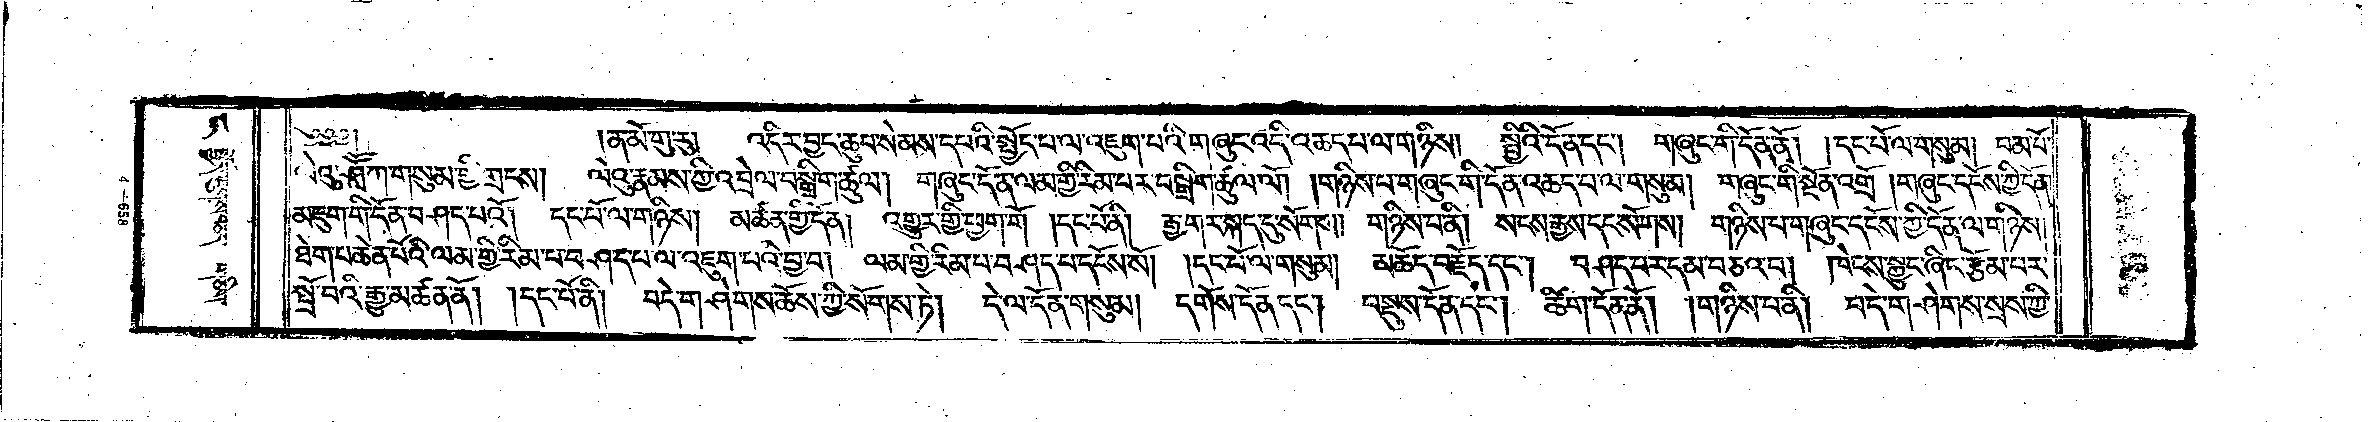༄༅༅། །ན་མོ་གུ་རུ། འདིར་བྱང་ཆུབ་སེམས་དཔའི་སྤྱོད་པ་ལ་འཇུག་པའི་གཞུང་འདི་འཆད་པ་ལ་གཉིས། སྤྱིའི་དོན་དང་། གཞུང་གི་དོན་ནོ། །དང་པོ་ལ་གསུམ། བམ་པོ་
ལེའུ་ཤླཽ་ཀ་གསུམ་གྱི་གྲངས། ལེའུ་རྣམས་ཀྱི་འབྲེལ་བསྒྲིག་ཚུལ། གཞུང་དོན་ལམ་གྱི་རིམ་པར་བསྒྲིག་ཚུལ་ལོ། །གཉིས་པ་གཞུང་གི་དོན་འཆད་པ་ལ་གསུམ། གཞུང་གི་སྔོན་འགྲོ་།གཞུང་དངོས་ཀྱི་དོན་
མཇུག་གི་དོན་བཤད་པའོ། དང་པོ་ལ་གཉིས། མཚན་གྱི་དོན། འགྱུར་གྱི་ཕྱག་གོ །དང་པོ་ནི། རྒྱ་གར་སྐད་དུ་སོགས། གཉིས་པ་ནི། སངས་རྒྱས་དང་སོགས། གཉིས་པ་གཞུང་དངོས་ཀྱི་དོན་ལ་གཉིས།
ཐེག་པ་ཆེན་པོའི་ལམ་གྱི་རིམ་པ་བཤད་པ་ལ་འཇུག་པའི་བྱ་བ། ལམ་གྱི་རིམ་པ་བཤད་པ་དངོས་སོ། །དང་པོ་ལ་གསུམ། མཆོད་བརྗོད་དང་། བཤད་པར་དམ་བཅའ་བ། ཁེངས་སྐྱུང་ཞིང་རྩོམ་པར་
སྤྲོ་བའི་རྒྱུ་མཚན་ནོ། །དང་པོ་ནི། བདེ་གཤེགས་ཆོས་ཀྱི་སོགས་ཏེ། དེ་ལ་དོན་གསུམ། དགོས་དོན་དང་། བསྡུས་དོན་དང་། ཚིག་དོན་ནོ། །གཉིས་པ་ནི། བདེ་གཤེགས་སྲས་ཀྱི་